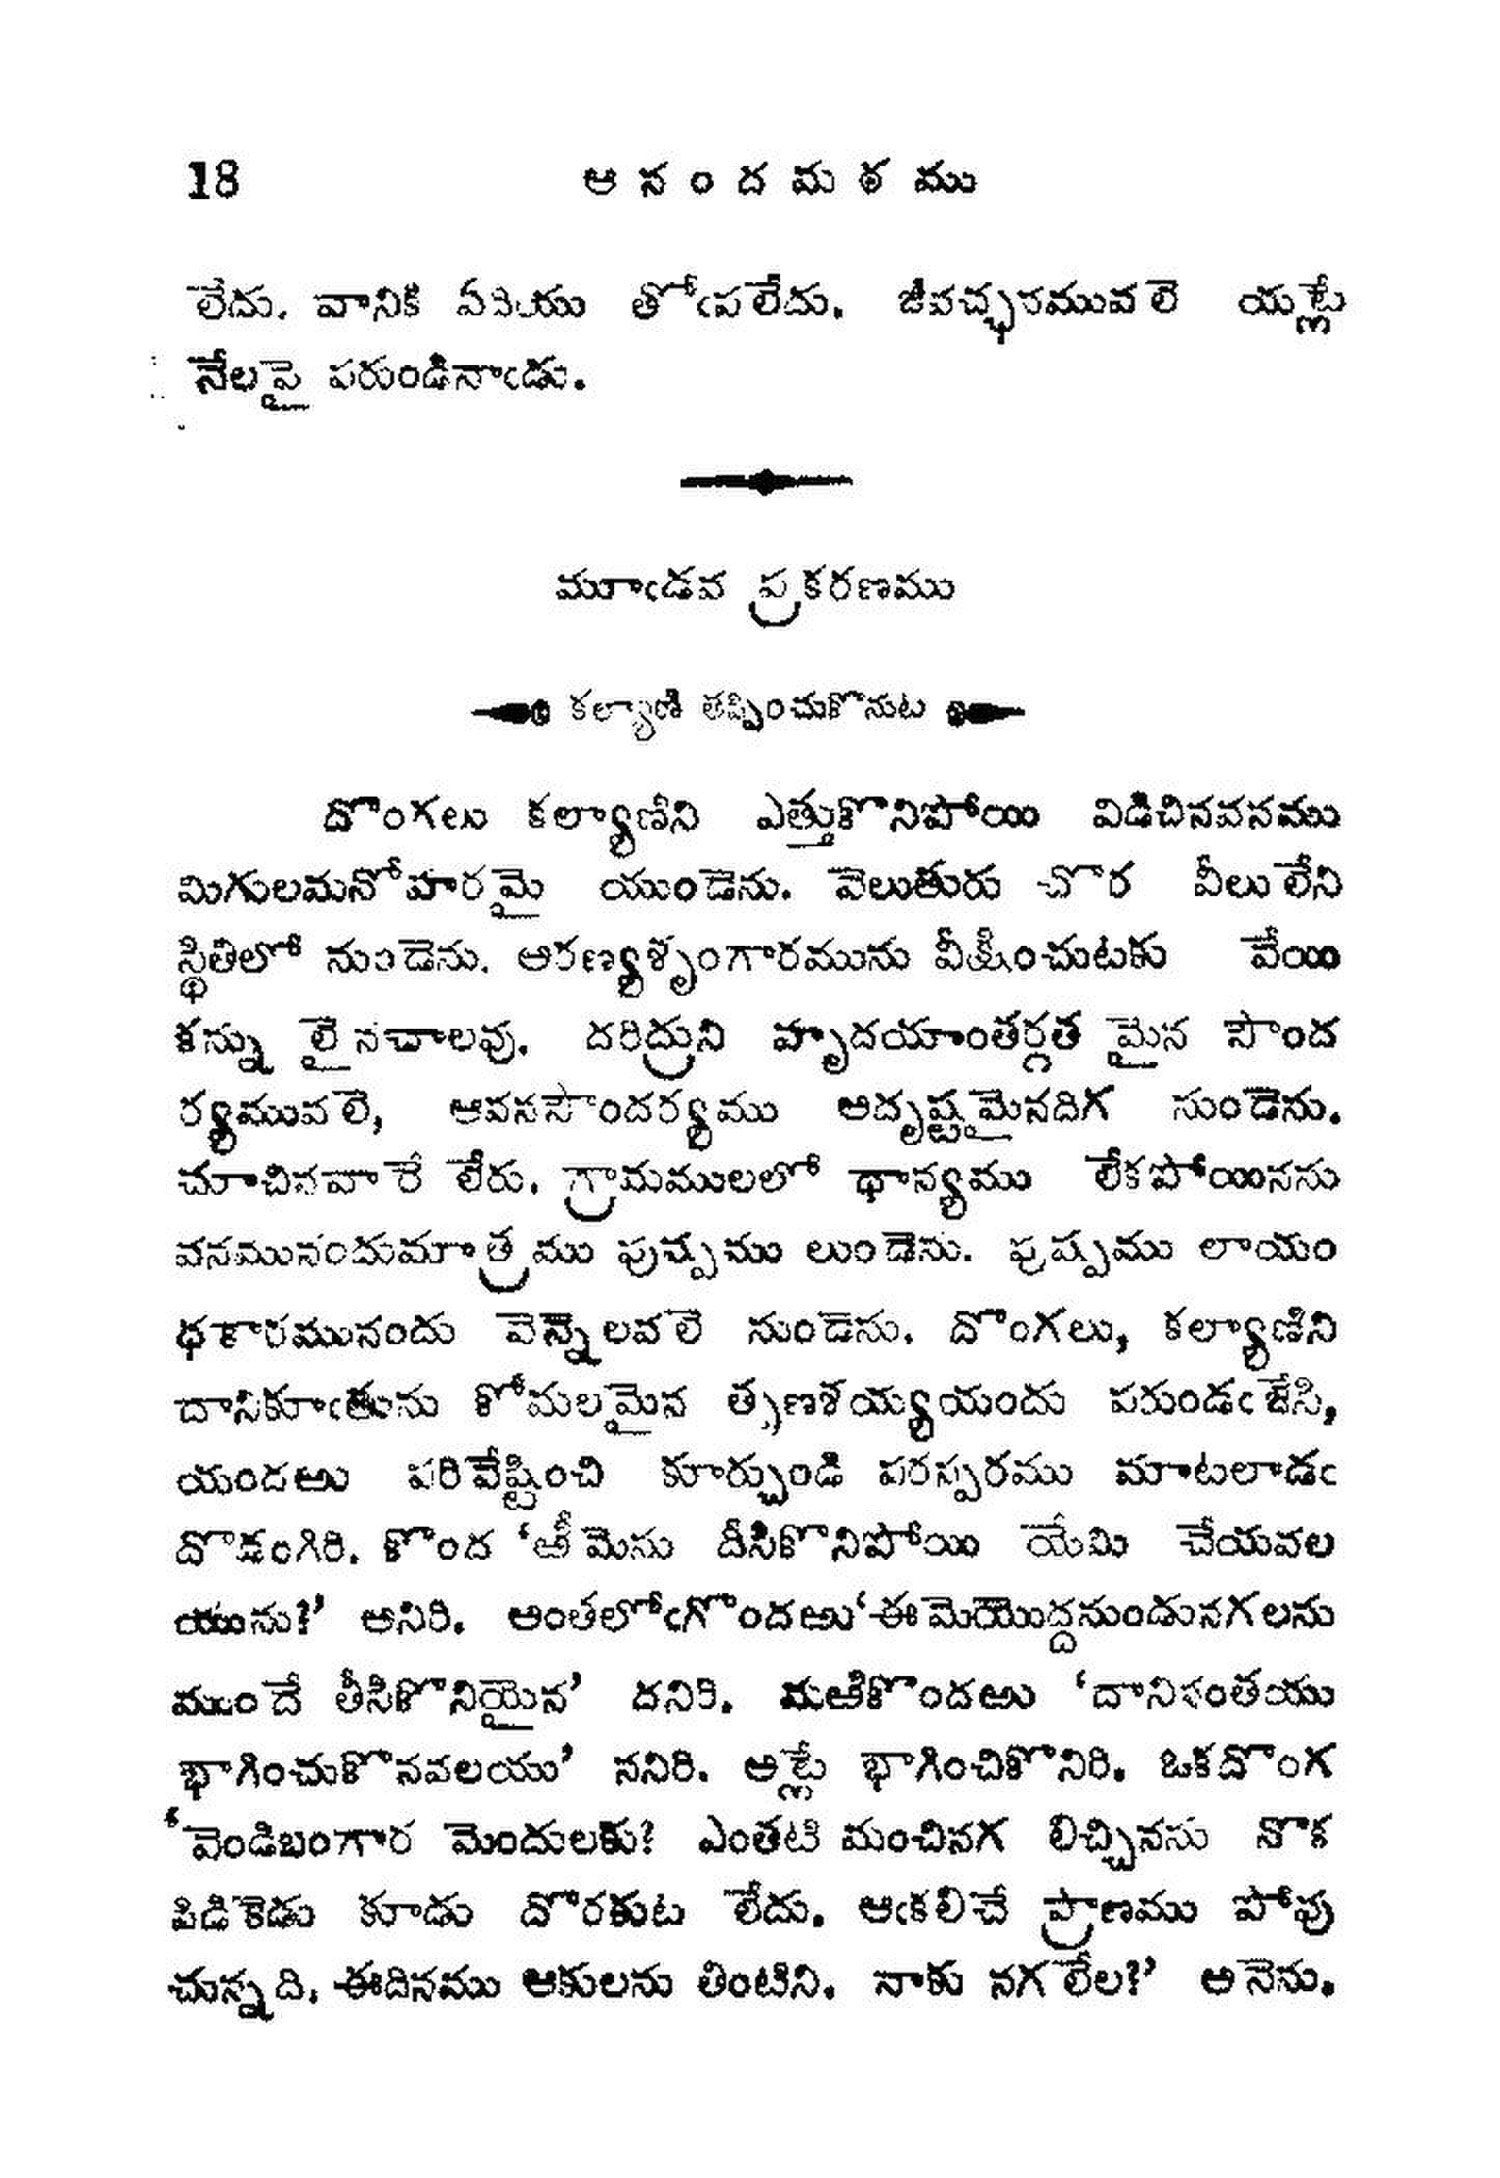లేదు. వానికి ఏదియు తోఁప లేదు, జీవచ్ఛకమువలె యట్లే
నేలపై పరుండినాఁడు.

మూఁడవ ప్రకరణము

కల్యాణి తప్పించుకొనుట

దొంగలు కల్యాణిని ఎత్తుకొనిపోయి విడిచినవనము మిగులమనోహరమై యుండెను. వెలుతురు చొర వీలులేని స్థితిలో నుండెను. ఆరణ్యశృంగారమును వీక్షించుటకు వేయి కన్ను లైనచాలవు. దరిద్రుని హృదయాంతర్గత మైన సౌందర్యమువలె, ఆవనసౌందర్యము అదృష్టమైనదిగ నుండెను. చూచినవారే లేరు. గ్రామములలో ధాన్యము లేకపోయినను వనమునందుమాత్రము పుష్పము లుండెను. పుష్పము లాయంధకారమునందు వెన్నెలవలె నుండెను. దొంగలు, కల్యాణిని దానికూఁతును కోమలమైన తృణశయ్యయందు పరుండఁ జేసి,
యండఱు పరివేష్టించి కూర్చుండి పరస్పరము మాటలాడఁ దొడంగిరి. కొంద 'ఱీమెను దీసికొనిపోయి యేమి చేయవలయును?' అనిరి. అంతలోఁ గొందఱు ఈమెయొద్దనుండునగలను ముందే తీసికొనియైన' దనికి. మఱికొందఱు 'దాని నంతయు భాగించుకొనవలయు' ననిరి. అట్లే భాగించికొనిరి. ఒక దొంగ'వెండి బంగార మెందులకు? ఎంతటి మంచినగ లిచ్చినను నొక పిడికెడు కూడు దొరకుట 'లేదు. ఆఁకలిచే ప్రాణము పోవుచున్నది. ఈదినము ఆకులను తింటిని. నాకు నగ లేల?' అనెను.